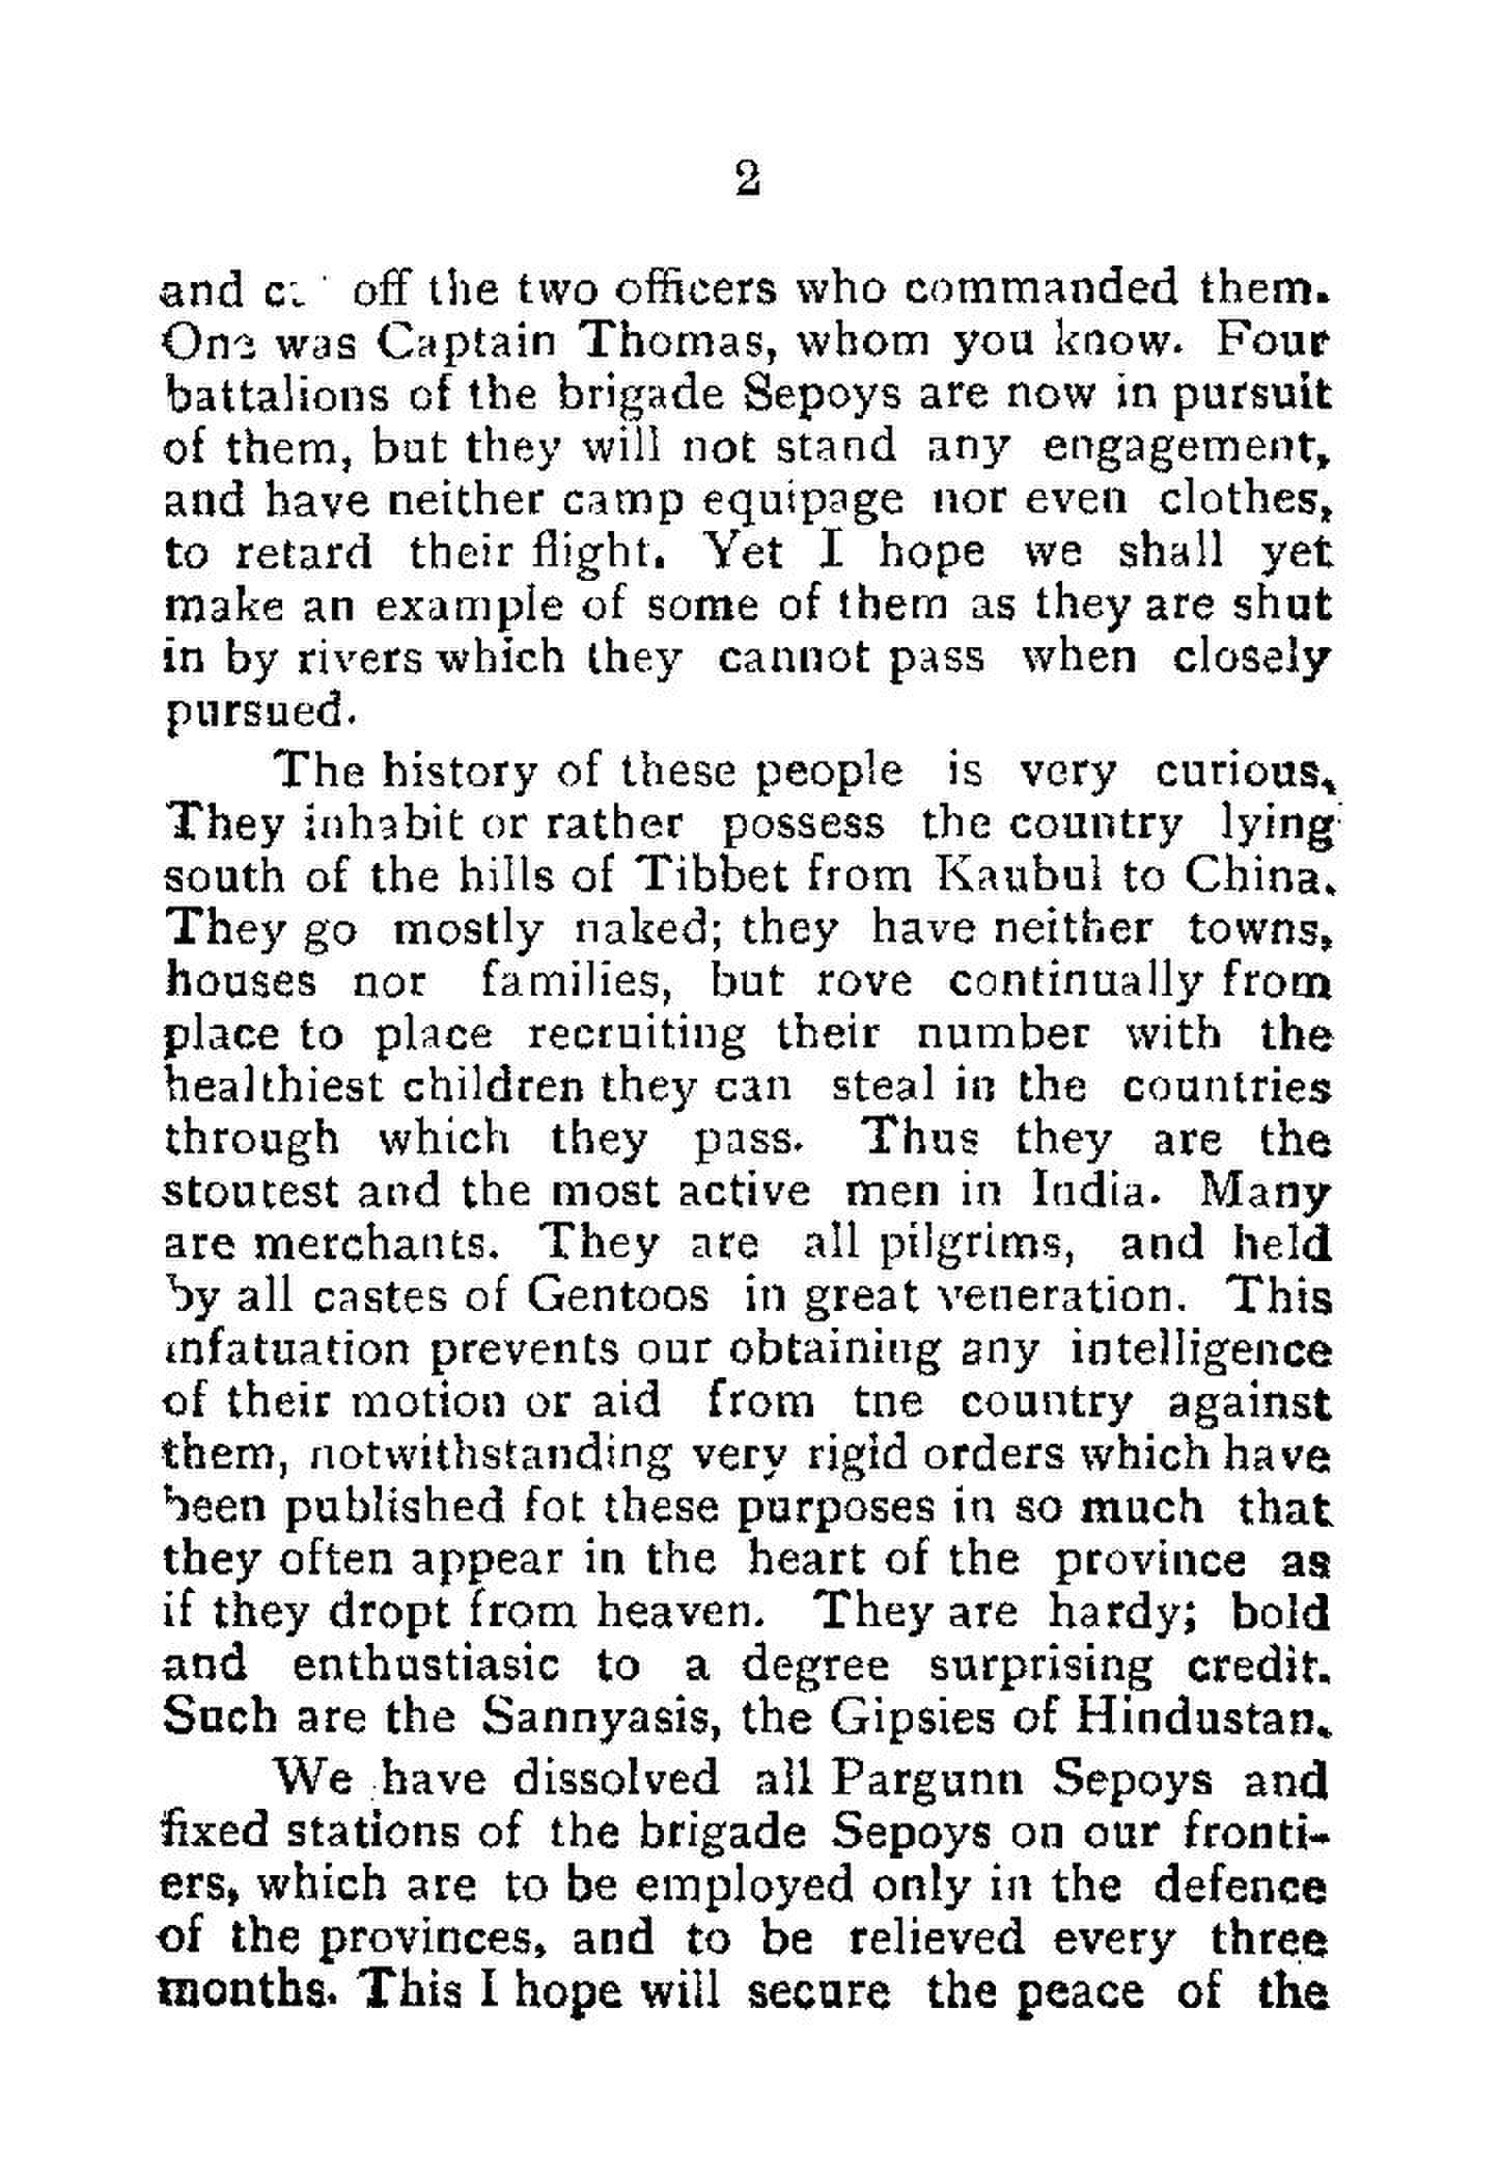and c? off the two officers who commanded them. One was Captain Thomas, whom you know. Four battalions of the brigade Sepoys are now in pursuit of them, but they will not stand any engagement,
and have neither camp equipage nor even clothes, to retard their flight. Yet I hope we shall yet make an example of some of them as they are shut in by rivers which they cannot pass when closely
pursued.

The history of these people is very curious. They inhabit or rather possess the country lying south of the hills of Tibbet from Kaubul to China. They go mostly naked; they have neither towns, houses nor families, but rove continually from place to place recruiting their number with the healthiest children they can steal in the countries
through which they pass. Thus they are the stoutest and the most active men in India. Many are merchants. They are all pilgrims, and held by all castes of Gentoos in great veneration. This
infatuation prevents our obtaining any intelligence of their motion or aid from the country against them, notwithstanding very rigid orders which have been published for these purposes in so much that
they often appear in the heart of the province as if they dropt from heaven. They are hardy; bold and enthustiasic to a degree surprising credit. Such are the Sannyasis, the Gipsies of Hindustan.

We have dissolved all Pargunn Sepoys and fixed stations of the brigade Sepoys on our frontiers, which are to be employed only in the defence of the provinces, and to be relieved every three
months. This I hope will secure the peace of the